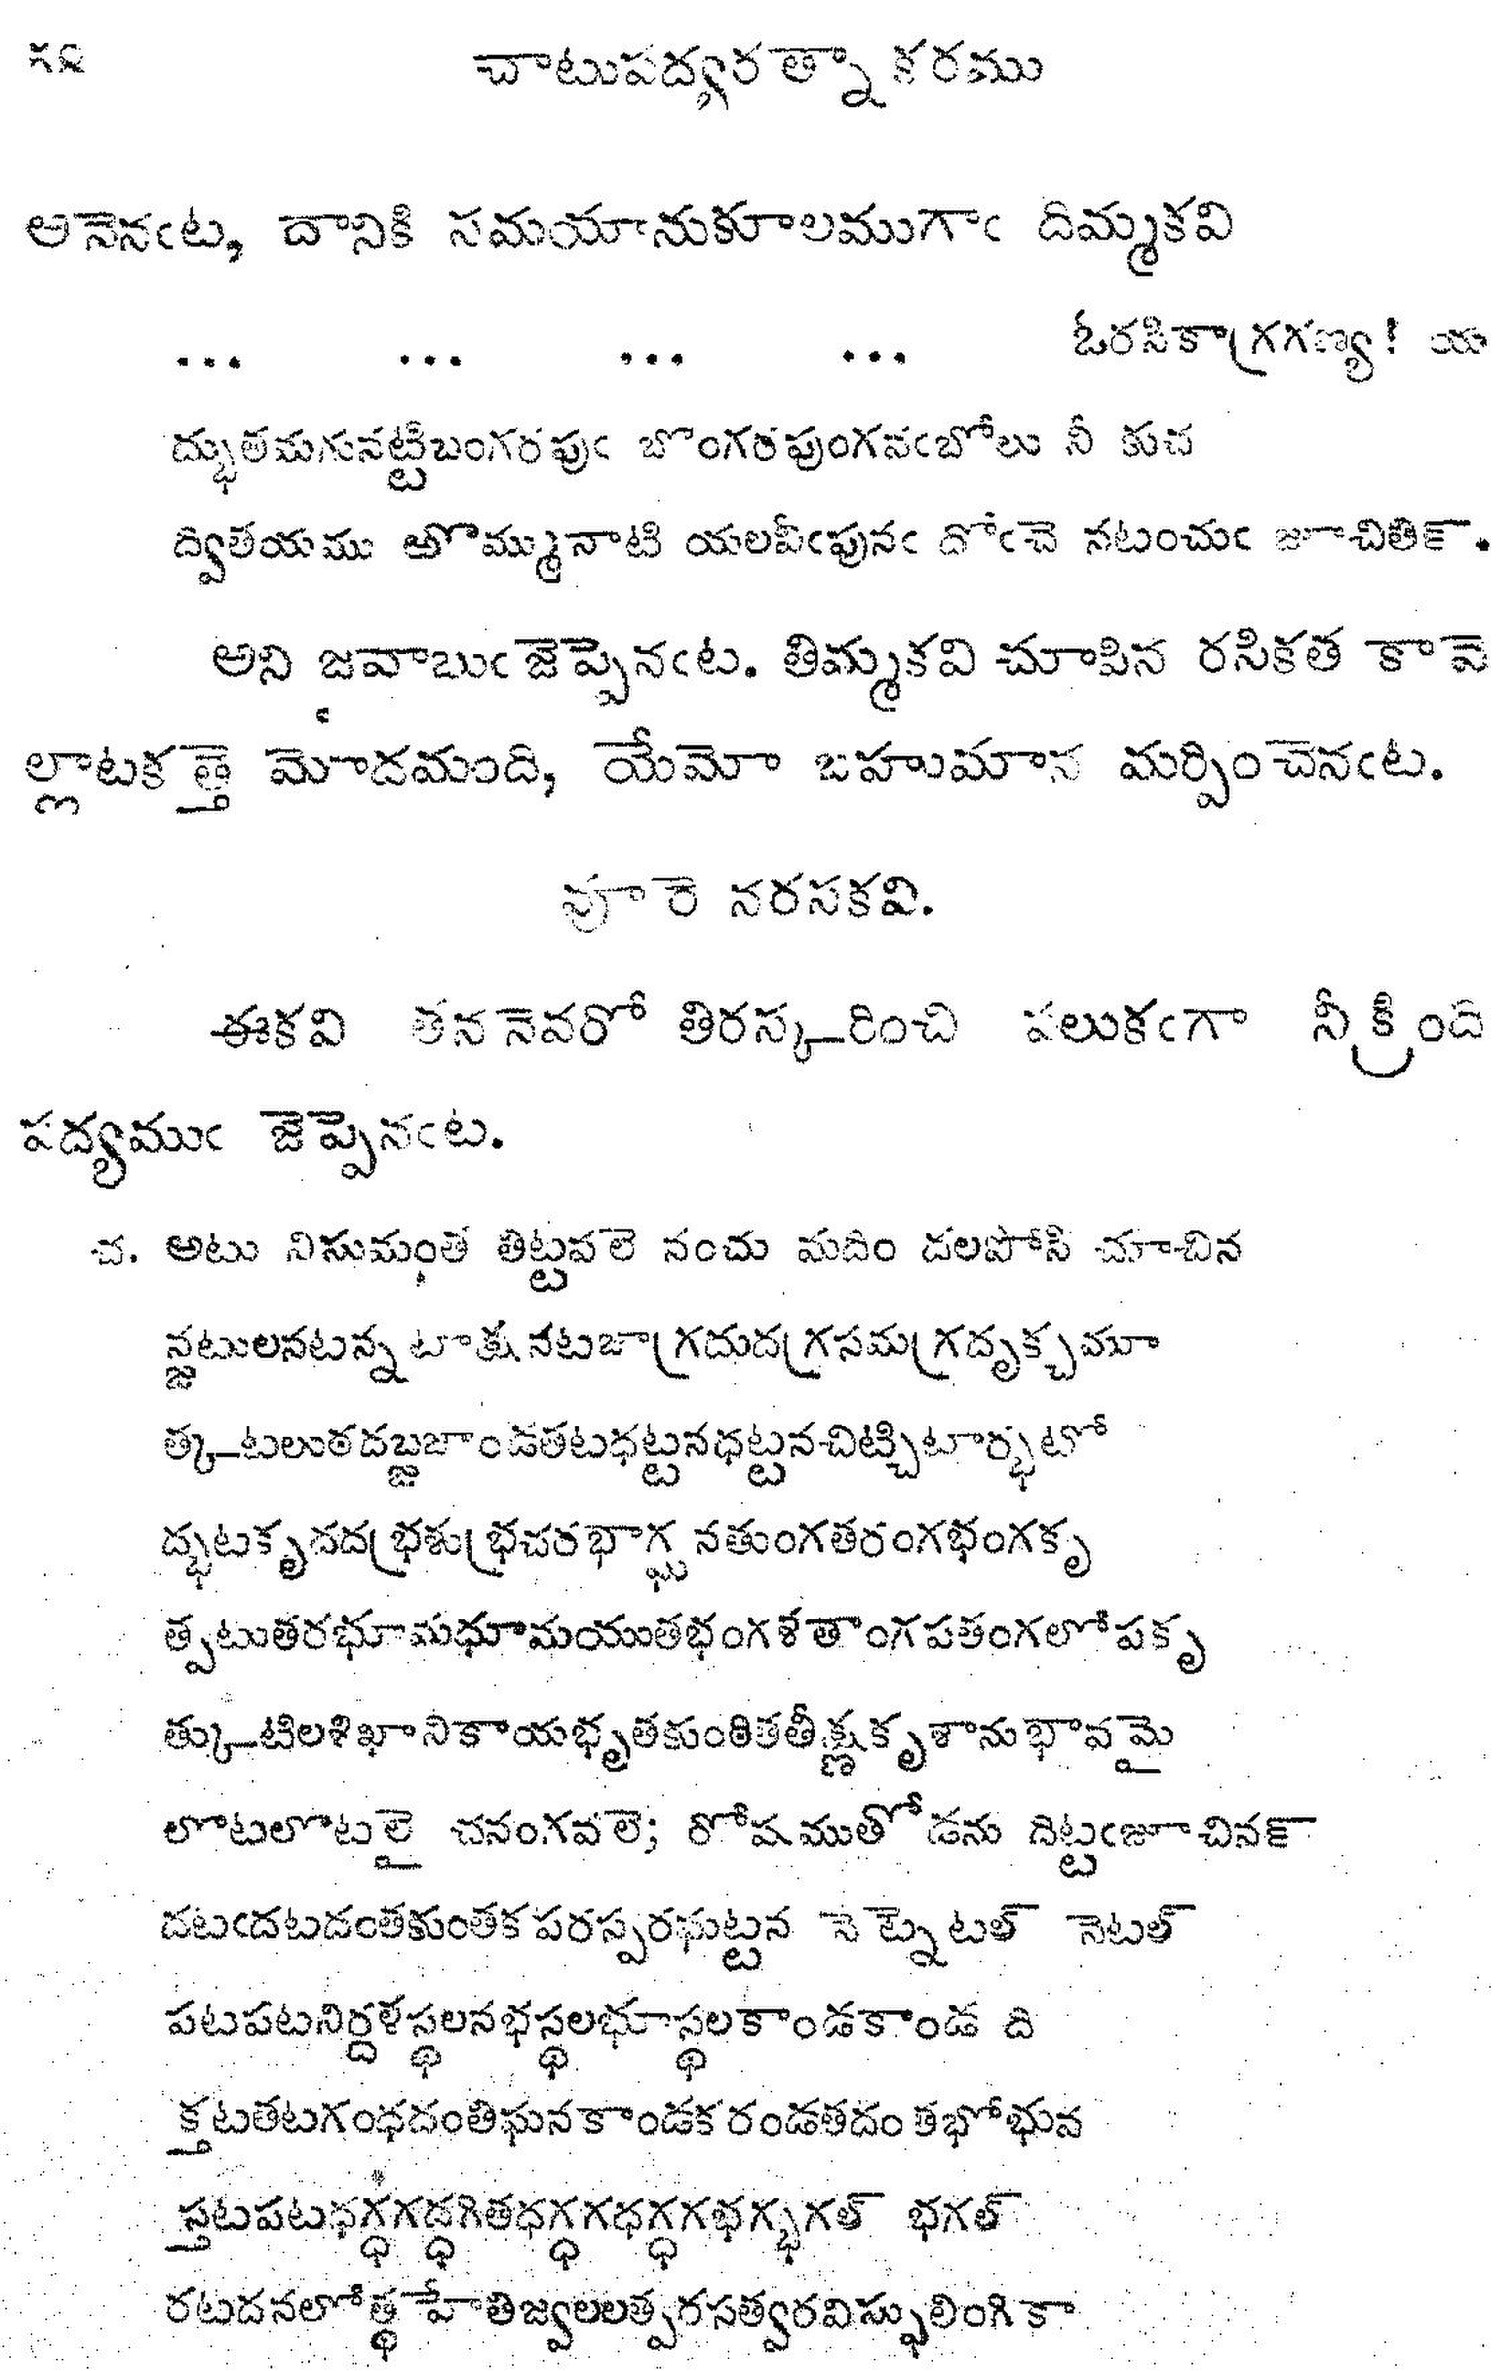అనెనఁట, దానికి సమయానుకూలముగాఁ దిమ్మకవి

 ..................................................ఓ రసికాగ్రగణ్య! య
 ద్భుతమగునట్టి బంగరపుఁ బొంగరపుంగవఁ బోలు నీ కుచ
 ద్వితయము ఱొమ్మునాటి యలవీఁపునఁ దోఁచె నటంచుఁ జూచితిన్.

అని జవాబుఁ జెప్పెనఁట. తిమ్మకవి చూపిన రసికత కావెల్లాటకత్తె మోదమంది, యేమో బహుమాన మర్పించెనఁట.

ఈకవి తననెవరో తిరస్కరించి పలుకఁగా నీక్రిందిపద్యముఁ జెప్పెనఁట.

చ. అటు నిసుమంత తిట్టవలె నంచు మదిం దలపోసి చూచిన
 న్జటులనటన్నటాక్షనటజాగ్రదుదగ్రసమగ్రదృక్చమూ
 త్కటలుఠదబ్జజాండతటధట్టనధట్టనచిట్చిటార్భటో
 ద్భటకృదదభ్రశుభ్రచరభాగ్ఘనతుంగతరంగభంగకృ
 త్పటుతరభూమధూమయుతభంగశతాంగపతంబలోపకృ
 త్కుటిలశిఖానికాయభృతకుంఠితతీక్ష్ణకృశానుభావమై
 లొటలొటలై చనంగవలె; రోషముతోడను దిట్టఁజూచినన్
 దటఁదటదంతకుంతకపరస్పరఘట్టన నెట్నెటల్ నెటల్
 పటపటనిర్దళస్థలనభస్థలభూస్థలకాండకాండ ది
 క్తటతటగంధదంతిఘనకాండకరండతదంతభోభువ
 స్తటపటధగ్ధగద్ధగితధగ్ధగధగ్థగభగ్భగల్ భగల్
 రటదనలోత్థహేతిజ్వలలత్పరసత్వరవిస్ఫులింగికా